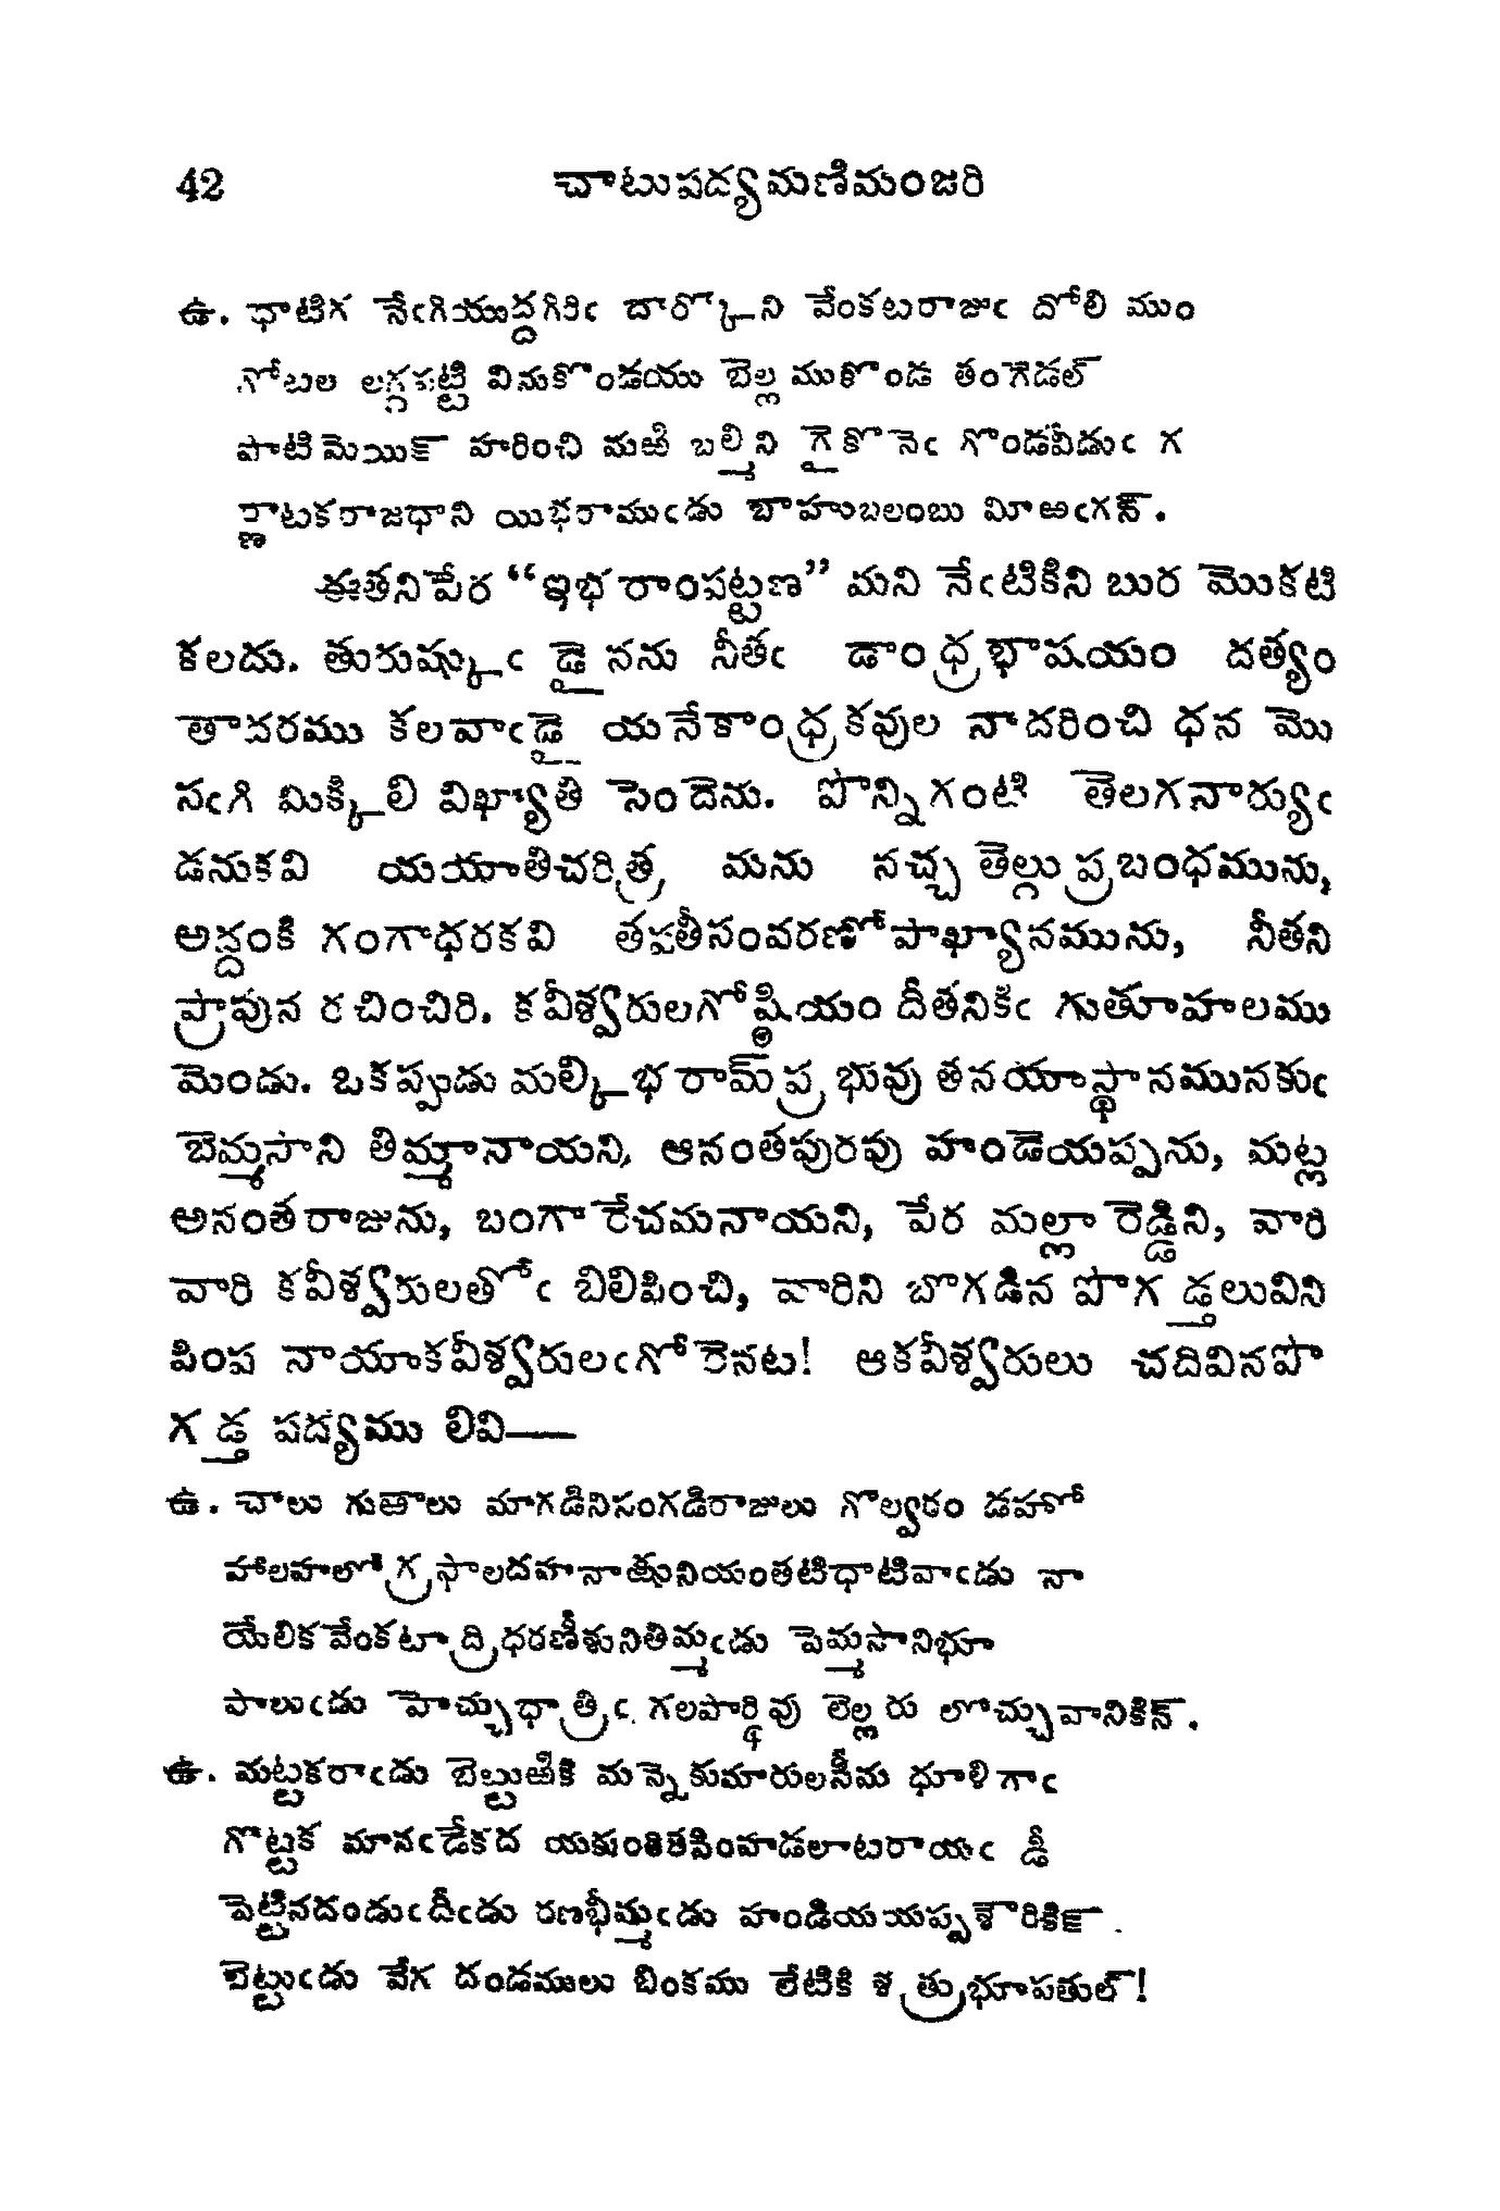ఉ. ధాటిగ నేఁగి యుద్దగిరిఁ దార్కొని వేంకటరాజుఁ దోలి ముం
 గోట లగ్గపట్టి వినుకొండయు బెల్లముకొండ తంగెడల్
 పాటిమెయిన్ హరించి మఱి బల్మిని గైకొనెఁ గొండవీడుఁ గ
 ర్ణాటకరాజధాని యిభరాముఁడు బాహుబలంబు మీఱఁగన్.
ఈతనిపేర “ఇభరాం పట్టణ”మని నేఁటికిని బుర మొకటి కలదు. తురుష్కుఁ డైనను నీతఁ డాంధ్రభాషయం దత్యంతాదరము కలవాఁడై యనేకాంధ్రకవుల నాదరించి ధన మొసఁగి మిక్కిలి విఖ్యాతి సెందెను. పొన్నిగంటి తెలగనార్యుఁ డనుకవి యయాతిచరిత్ర మను నచ్చతెల్గుప్రబంధమును, అద్దంకి గంగాధరకవి తపతీసంవరణోపాఖ్యానమును, నీతని ప్రాపున రచించిరి. కవీశ్వరులగోష్ఠియం దీతనికిఁ గుతూహలము మెండు. ఒకప్పుడు మల్కిభరామ్ ప్రభువు తనయాస్థానమునకుఁ బెమ్మసాని తిమ్మానాయని, అనంతపురపు హండెయప్పను, మట్ల అనంతరాజును, బంగారేచమనాయని, పేర మల్లారెడ్డిని, వారి వారి కవీశ్వరులతోఁ బిలిపించి, వారినిఁ బొగడిన పొగడ్తలు వినిపింప నాయాకవీశ్వరులఁ గోరెనఁట! ఆకవీశ్వరులు చదివిన పొగడ్తపద్యము లివి—
ఉ. చాలు గుఱాలు మాగడినిసంగడిరాజులు గొల్వరం డహో
 హాలహలోగ్రఫాలదహనాక్షునియంతటిధాటివాఁడు నా
 యేలిక వేంకటాద్రిధరణీశుని తిమ్మఁడు పెమ్మసాని భూ
 పాలుఁడు హెచ్చుధాత్రిఁగల పార్థివు లెల్లరు లొచ్చు వానికిన్.
ఉ. మట్టకరాఁడు బెట్టుఱికి మన్నెకుమారులసీమ ధూళిగాఁ
 గొట్టక మానఁడేకద యకుంఠితసింహడలాటరాయఁ డీ
 పెట్టినదండుఁదీఁడు రణభీష్ముఁడు హండియయప్పశౌరికిన్
 బెట్టుఁడు వేగ దండములు బింకము లేటికి శత్రుభూపతుల్!